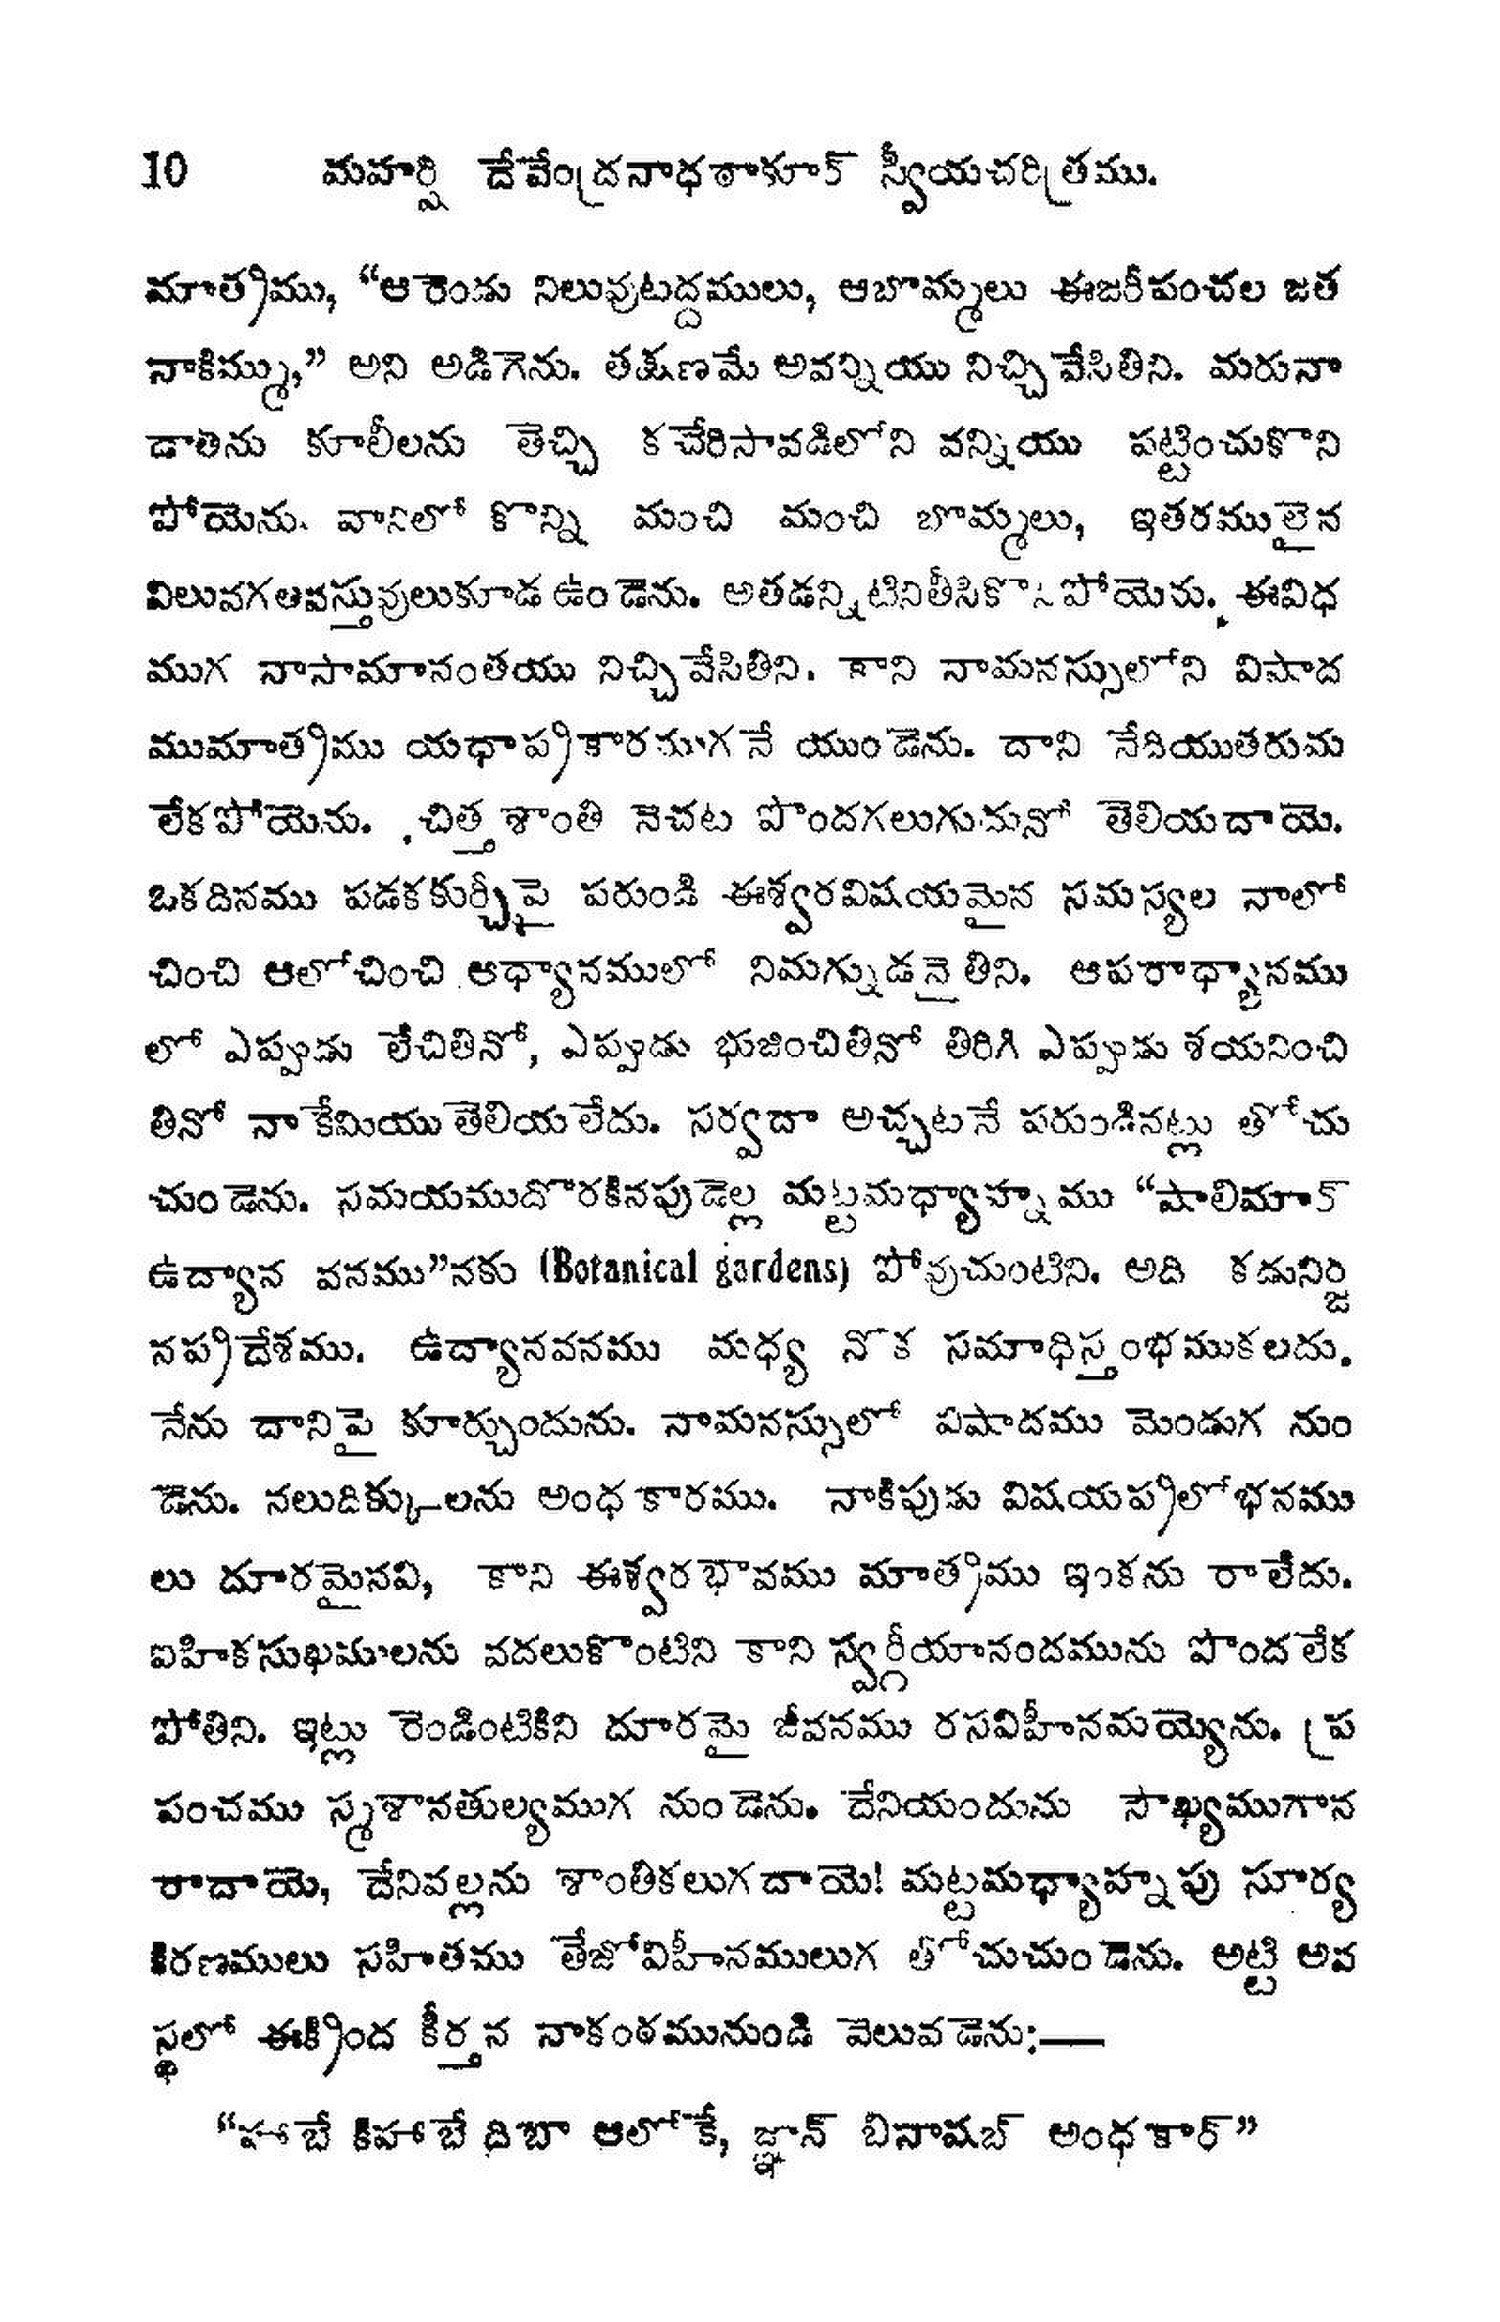మాత్రము, “ఆ రెండు నిలువుటద్దములు, ఆ బొమ్మలు ఈజరీ పంచల జత నాకిమ్ము,” అని అడిగెను. తక్షణమే అవన్నియు నిచ్చి వేసితిని. మరునా డాతను కూలీలను తెచ్చి కచేరి సావడిలోని వన్నియు పట్టించుకొని పోయెను. వానిలో కొన్ని ముచి మంచి బొమ్మలు, ఇతరము లైన విలువగల వస్తువులుకూడ ఉండెను. అతడన్నిటిని తీసికొని పోయెను. ఈవిధముగ నాసామానంతయు నిచ్చి వేసితిని. గాని నామనస్సులోని విషాదము మాత్రము యధాప్రకారముగనే యుండెను. దాని 'నేదియుతరుమ లేకపోయెను. ,చిత్త శాంతి నెచ్చట పొందగలుగుదునో తెలియదాయె. ఒక దినము పడక కుర్చీపై పరుండి ఈశ్వర విషయమైన సమస్యల నాలోచించి ఆలోచించి ఆధ్యానములో నిమగ్నుడ నైతిని, ఆపరాధ్యానములో ఎప్పుడు లేచితినో, ఎప్పుడు భుజించితినో తిరిగి ఎప్పుడు శయనించితినో నాకేమియు తెలియ లేదు. సర్వదా అచ్చటనే పరుండినట్లు తోచు చుండెను. సమయము దొరకినపుడెల్ల మట్టమధ్యాహ్నము "షాలిమార్ ఉద్యాన వనము”నకు (Botanical gardens) పోవుచుంటిని. అది కడునిర్జన ప్రదేశము. ఉద్యానవనము మధ్య నొక సమాధి స్తంభముకలదు.నేను దానిపై కూర్చుందును. సామనస్సులో విషాదము మెండుగ నుండెను. నలుదిక్కులను అంధ కారము. నాకిపుడు విషయప్రలోభనములు దూరమైనవి, కాని ఈశ్వరభావము మాత్రము ఇంకను రాలేదు. ఐహిక సుఖములను వదలు కొంటిని కాని స్వర్గీయానందమును పొందలేక పోతిని. ఇట్లు రెండింటికిని దూరమై జీవనము రసవిహీనమయ్యెను. ప్రపంచము స్మశానతుల్యముగ నుండెను. 'దేనియందును సౌఖ్యముగాన రాదాయె, దీనివల్లను శాంతికలుగదాయె! మట్టమధ్యాహ్నపు సూర్య కిరణములు సహితము "తేజోవిహీనములుగ తోచుచుండెను. అట్టి అపస్థలో ఈకింద కీర్తన నాకంఠమునుండి వెలువడెను: 

“ఈ బే ఆహా బే దిబా ఆలోకే, జాన్ బినాషబ్ అంధ కార్”